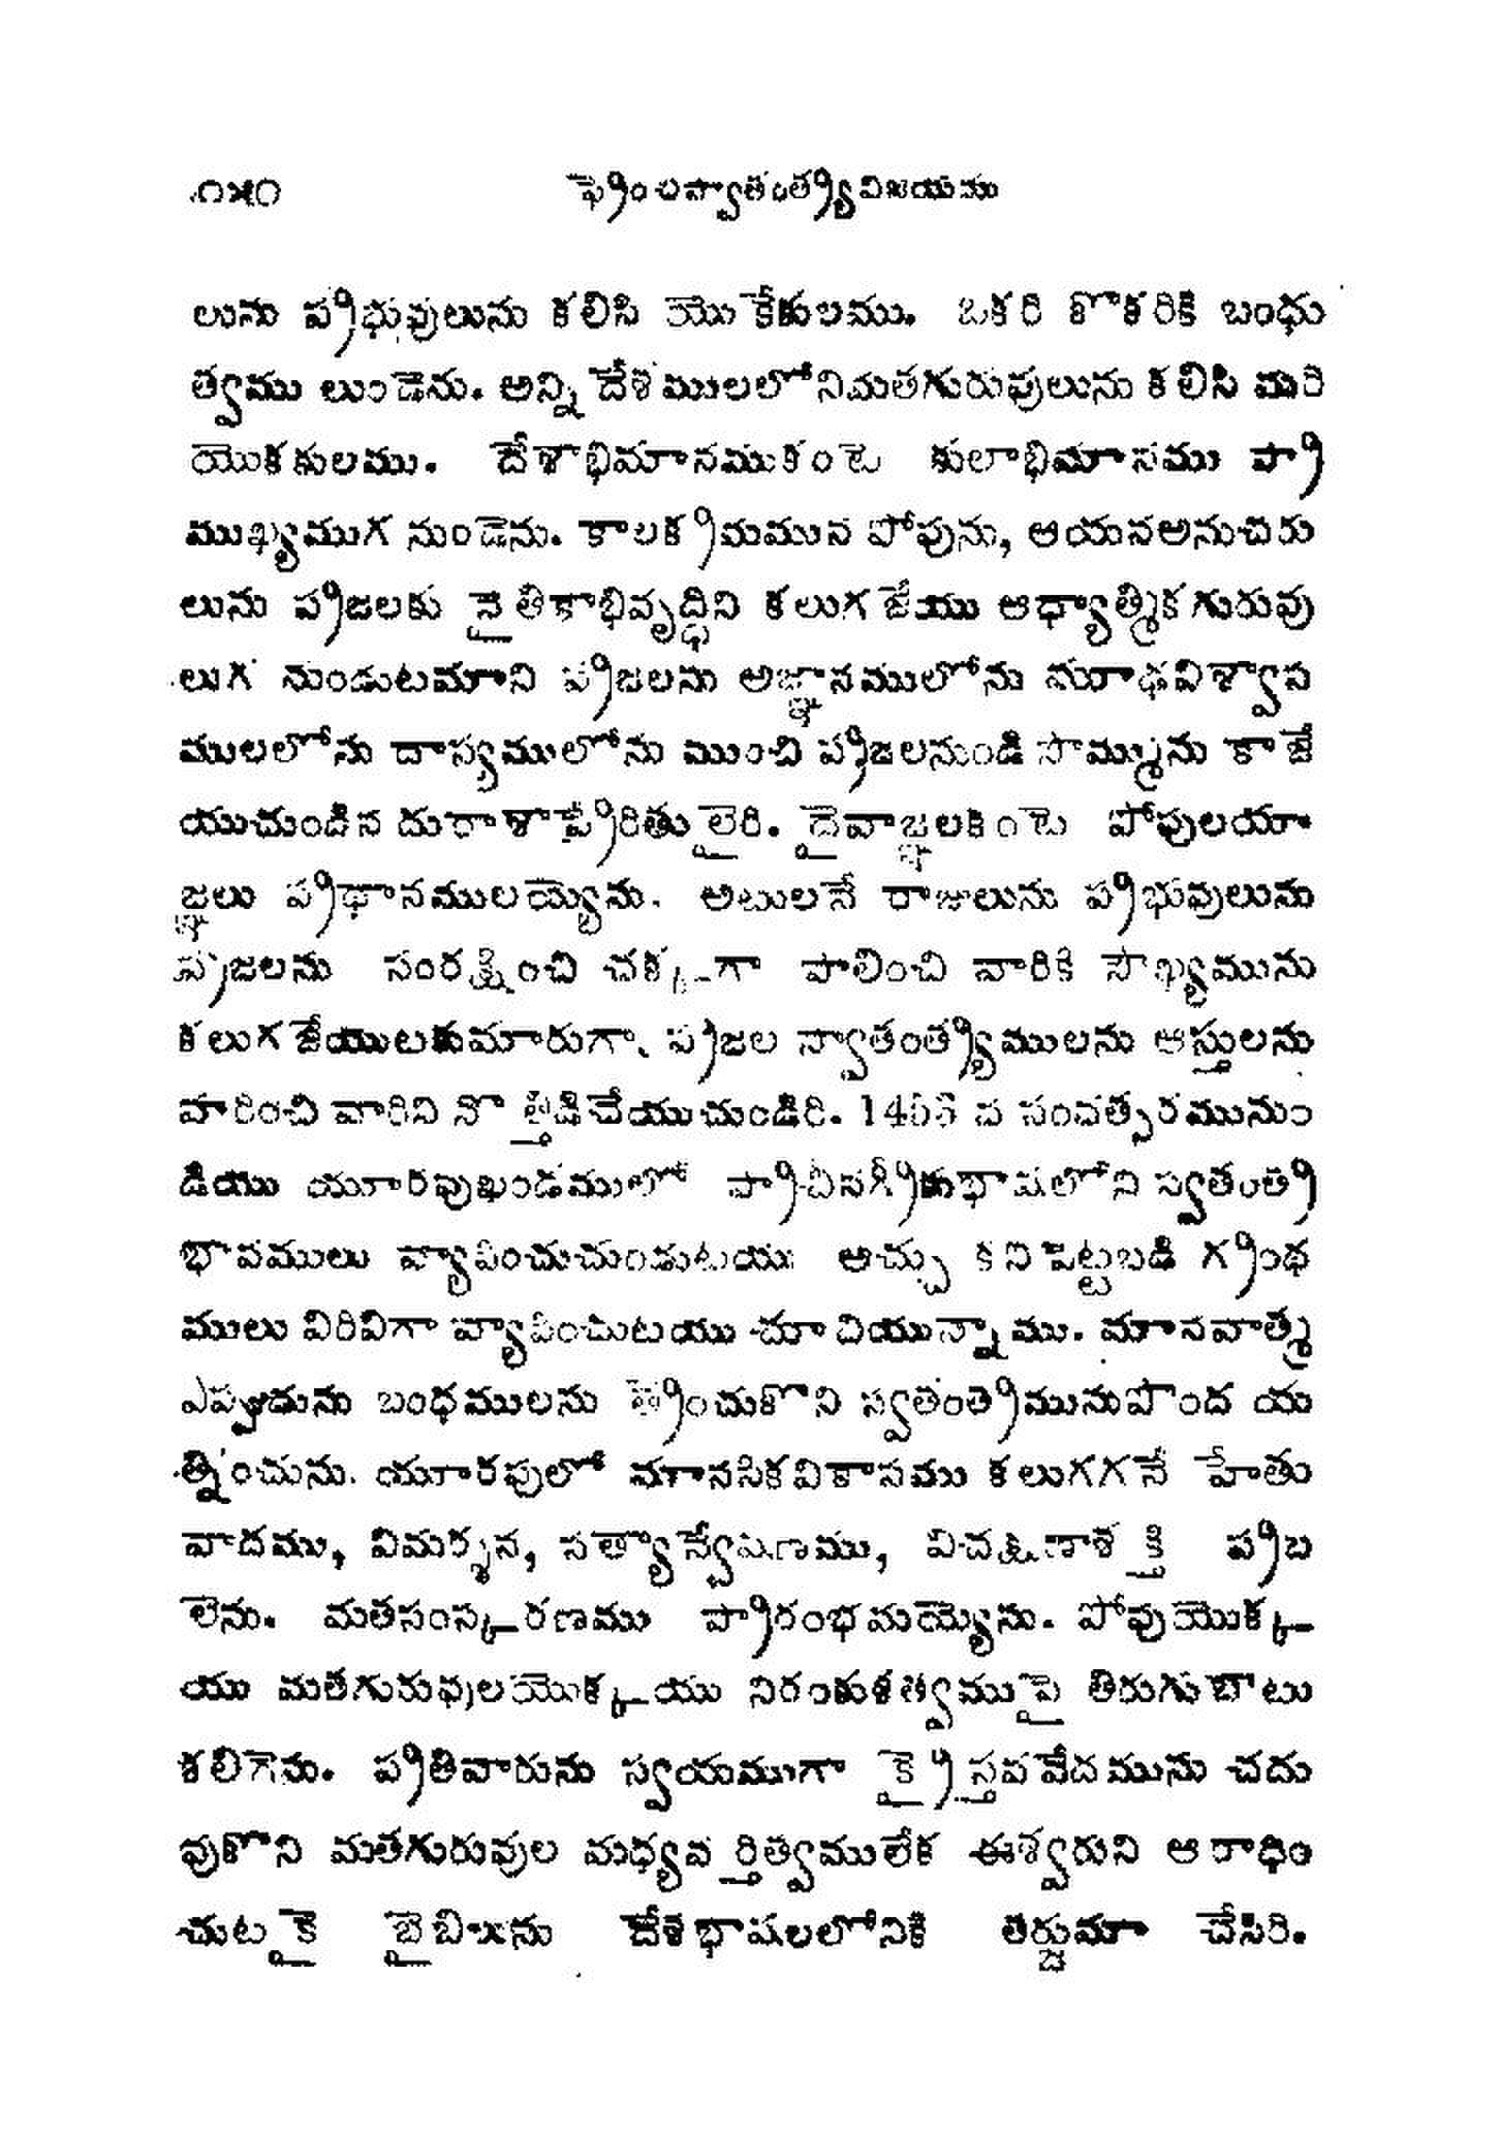150 

లును ప్రభువులును కలిసి 'యొ కే కులము. ఒకరి కొకరికి బంధు
త్వము లుండెను. అన్ని దేశములలోని మతగురువులును కలిసి మరి
యొక కులము. దేశాభిమానము కంటే కులాభిమానము ప్రా
ముఖ్యముగ నుండెను. కాలక్రమమున పోపును, ఆయన అనుచరు
లును ప్రజలకు నైతికాభివృద్ధిని కలుగ జేయు ఆధ్యాత్మిక గురువు
లుగ నుండుట మాని ప్రజలను అజ్ఞానములోను మూఢవిశ్వాస
ములలోను దాస్యములోను ముంచి ప్రజలనుండి సొమ్మును కాజే
యుచుండిన దురాశా ప్రేరితు లైరి. దైవాజ్ఞలంటే పోపులయా
జ్ఞలు ప్రథానములయ్యెను, అటులనే రాజులును ప్రభువులును
ప్రజలను సంరక్షించి చక్కగా పాలించి వారికి సౌఖ్యమును
కలుగ జేయుటకు మారుగా, ప్రజల స్వాతంత్ర్య ములను ఆస్తులను
హరించి వారిని నొత్తడి చేయుచుండిరి. 1453 వ సంవత్సరమునుం
డియు యూరపుఖండములో ప్రాచీన గ్రీకు భాషలోని స్వతంత్ర
భావములు వ్యాపించు చుండుటయు అచ్చు కని పెట్టబడి గ్రంథ
ములు విరివిగా వ్యాపించుటయు చూచియున్నాము. మానవాత్మ
ఎప్పుడుసు బంధములను తెంచుకొని స్వతంత్రమును పొంద య
త్నించును. యూరపులో మానసిక వికాసము కలుగగనే హేతు
వాదము, విమర్శన, సత్యాన్వేషణము, విచక్షణాశక్తి ప్రబ
లెను. మతసంస్కరణము ప్రారంభ మయ్యెను. పోవు యొక్క
యు మతగురువుల యొక్కయు నిరంకుశత్వము పై తిరుగుబాటు
కలిగెను. ప్రతివారును స్వయముగా క్రైస్తవ వేదముసు చదు
వుకొని మతగురువుల మధ్యవర్తిత్వము లేక ఈశ్వరుని ఆరాధిం
చుట కై బైబిలును దేశ భాషలలోనికి తర్జుమా చేసిరి.